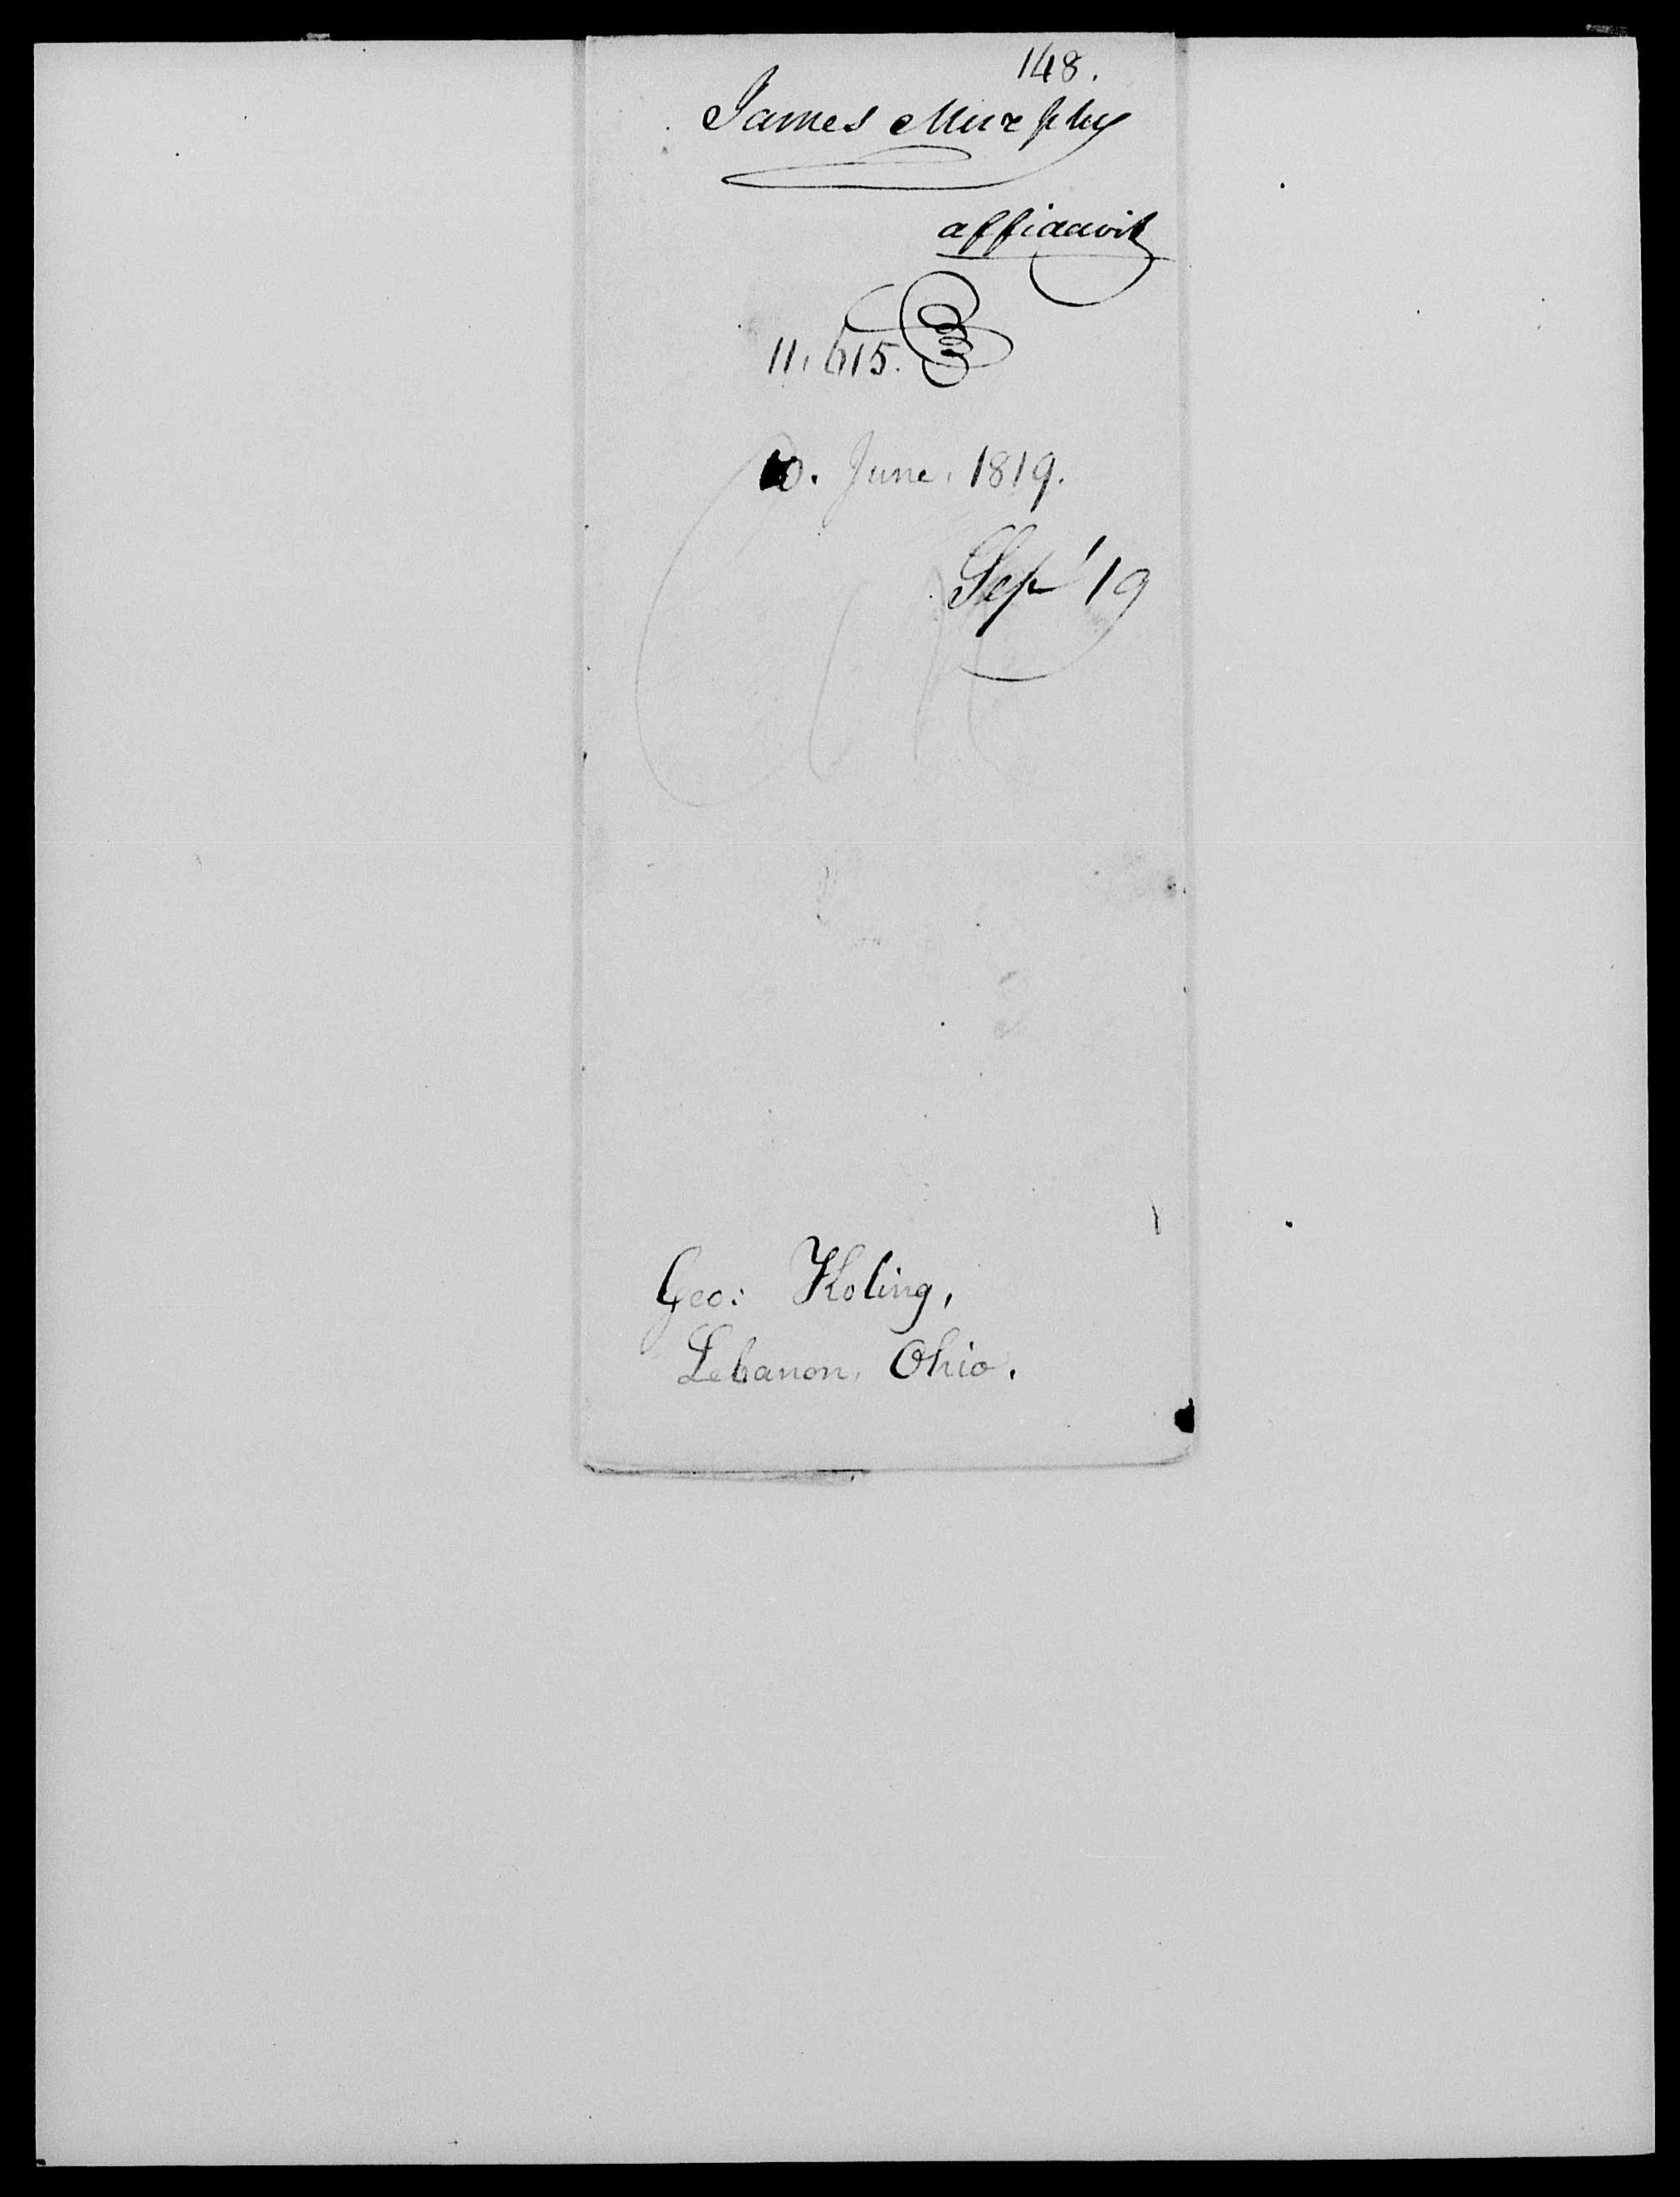148.
James Murphy
affidavit

11,615
10. June, 1819.
Sep 19


Geo: Koling
Lebanon, Ohio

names: James Murphy; Geo Koling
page: 5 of 57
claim: widow's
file: W. 25,739, for James Murphey, Pennsylvania